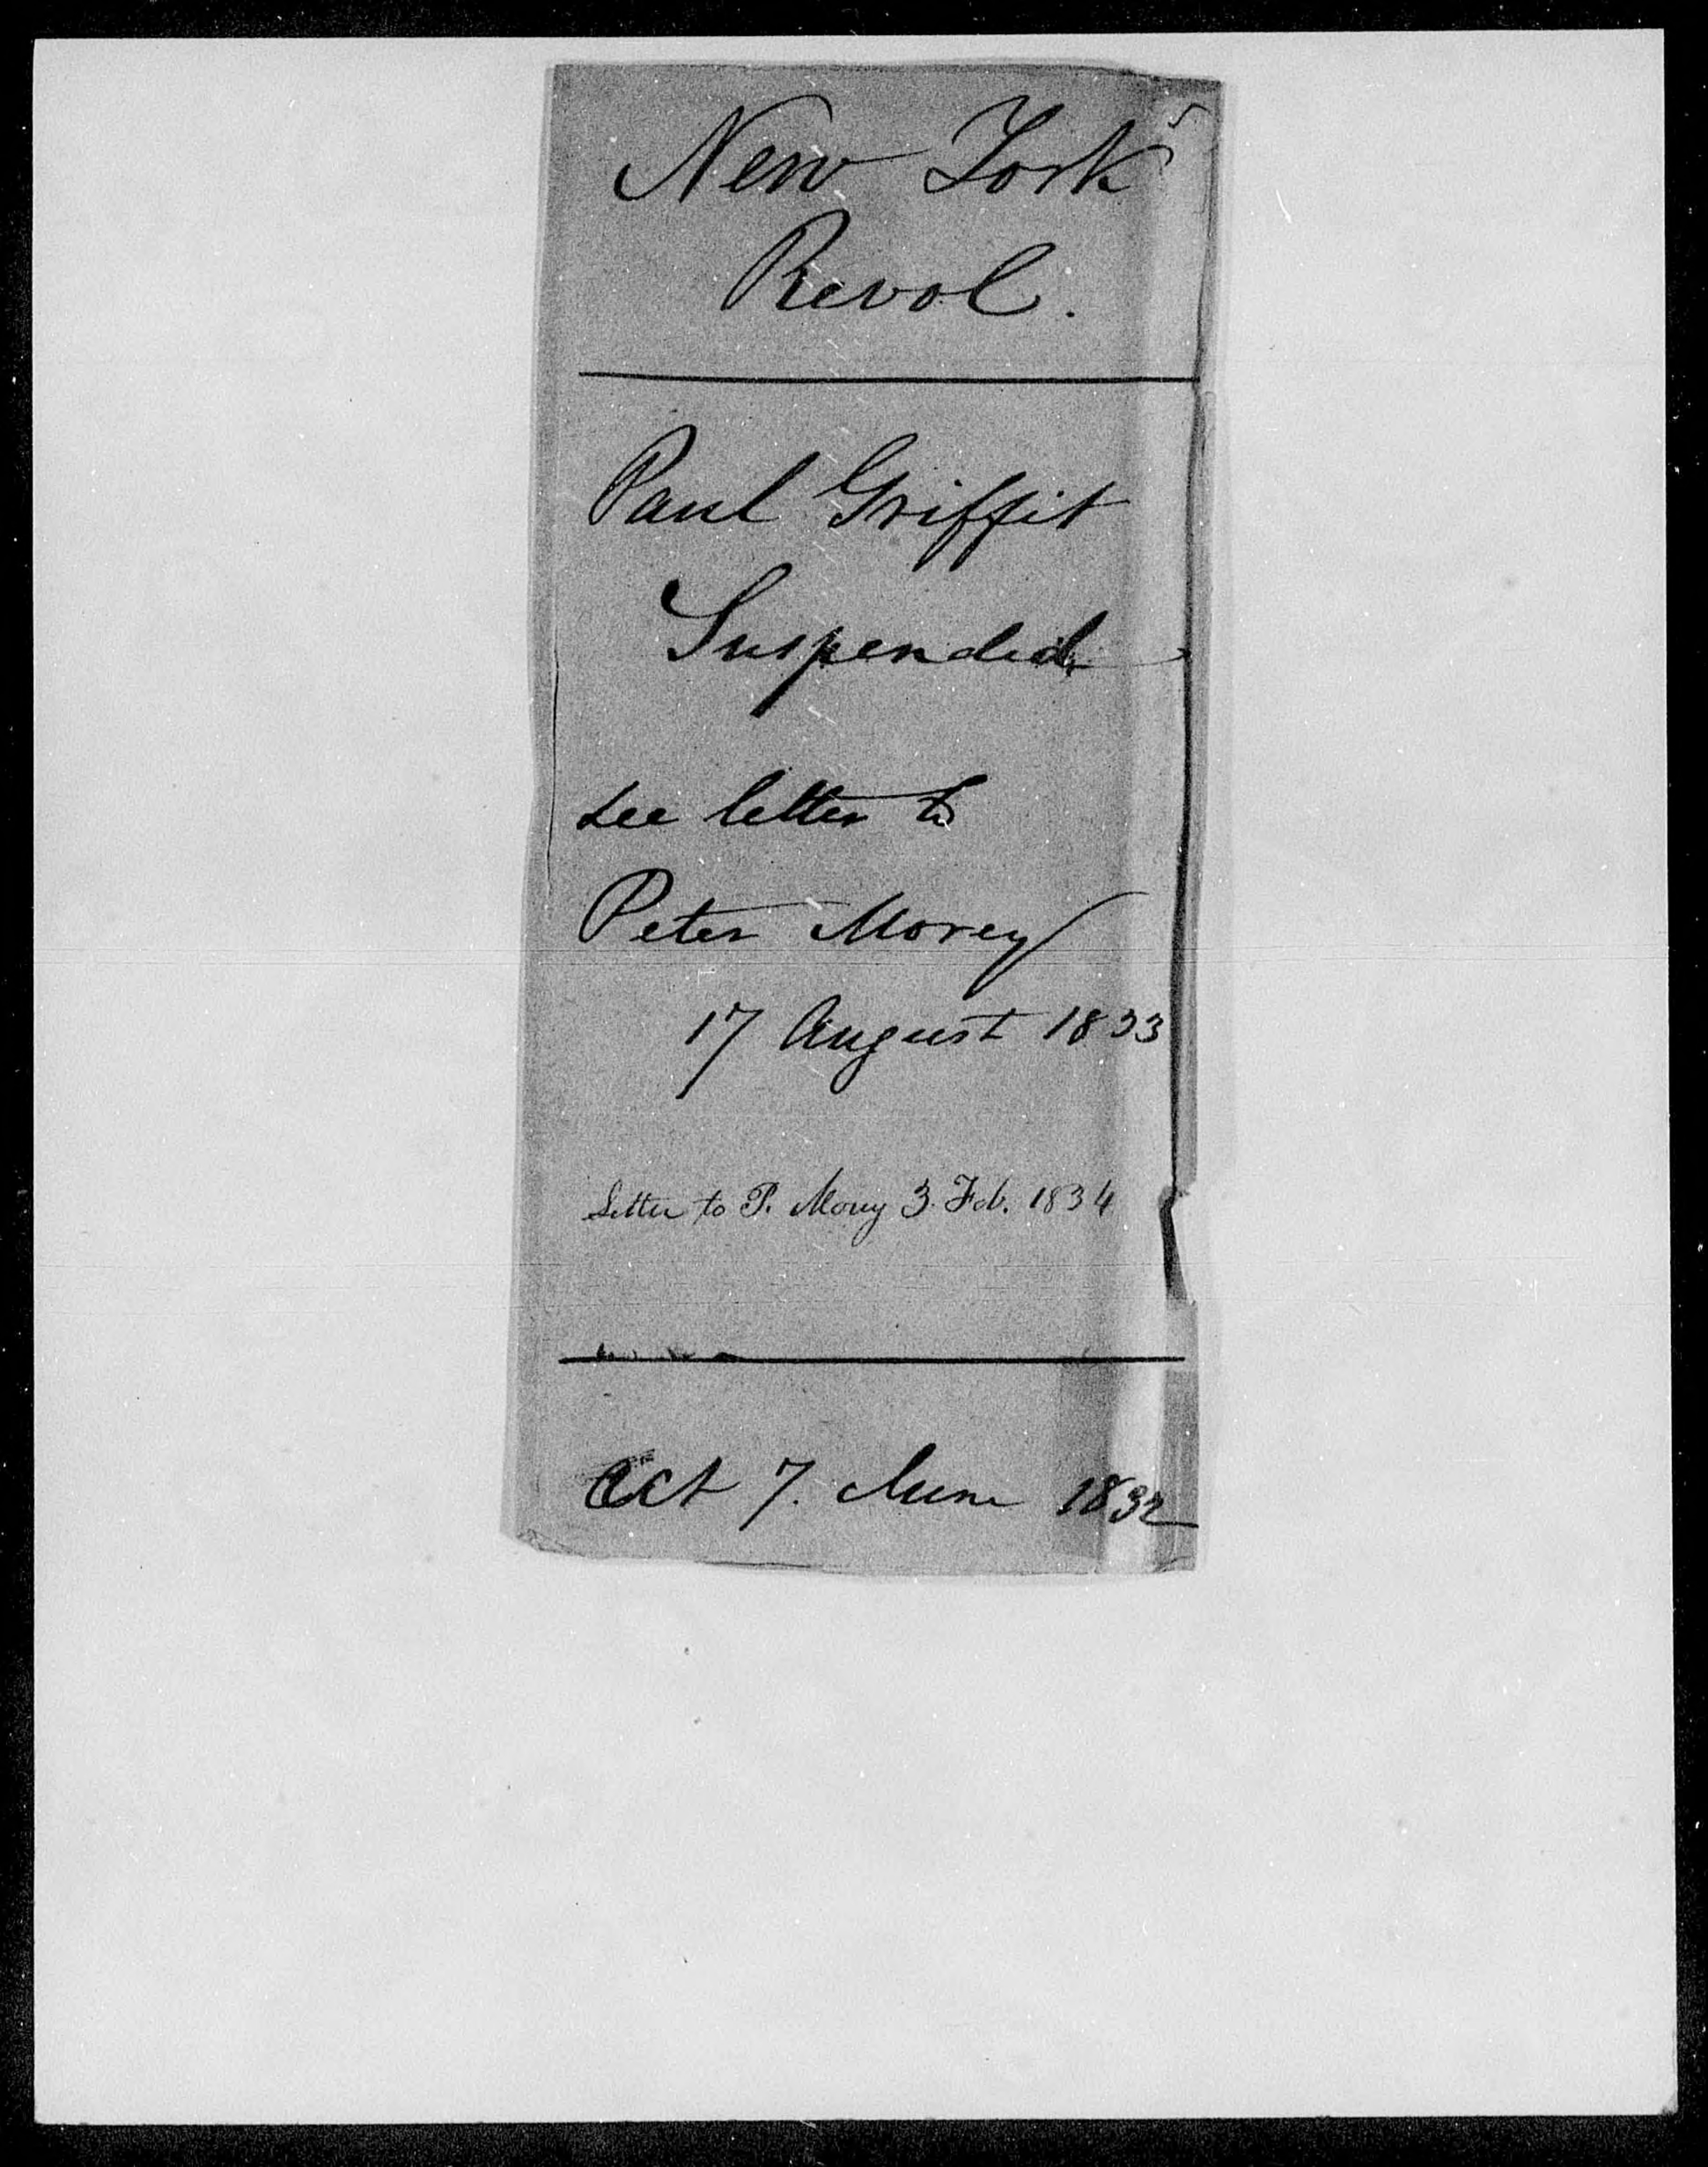New York Revol. Paul Griffit Suspended see letter to Peter Morey 17 August 1833 Letter to P. Morey 3 Feb. 1834 Act 7. June 1832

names: P Morey, Peter Morey, Paul Griffit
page: 35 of 61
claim: survivor's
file: S. 22798, Paul Griffiths, R.I.